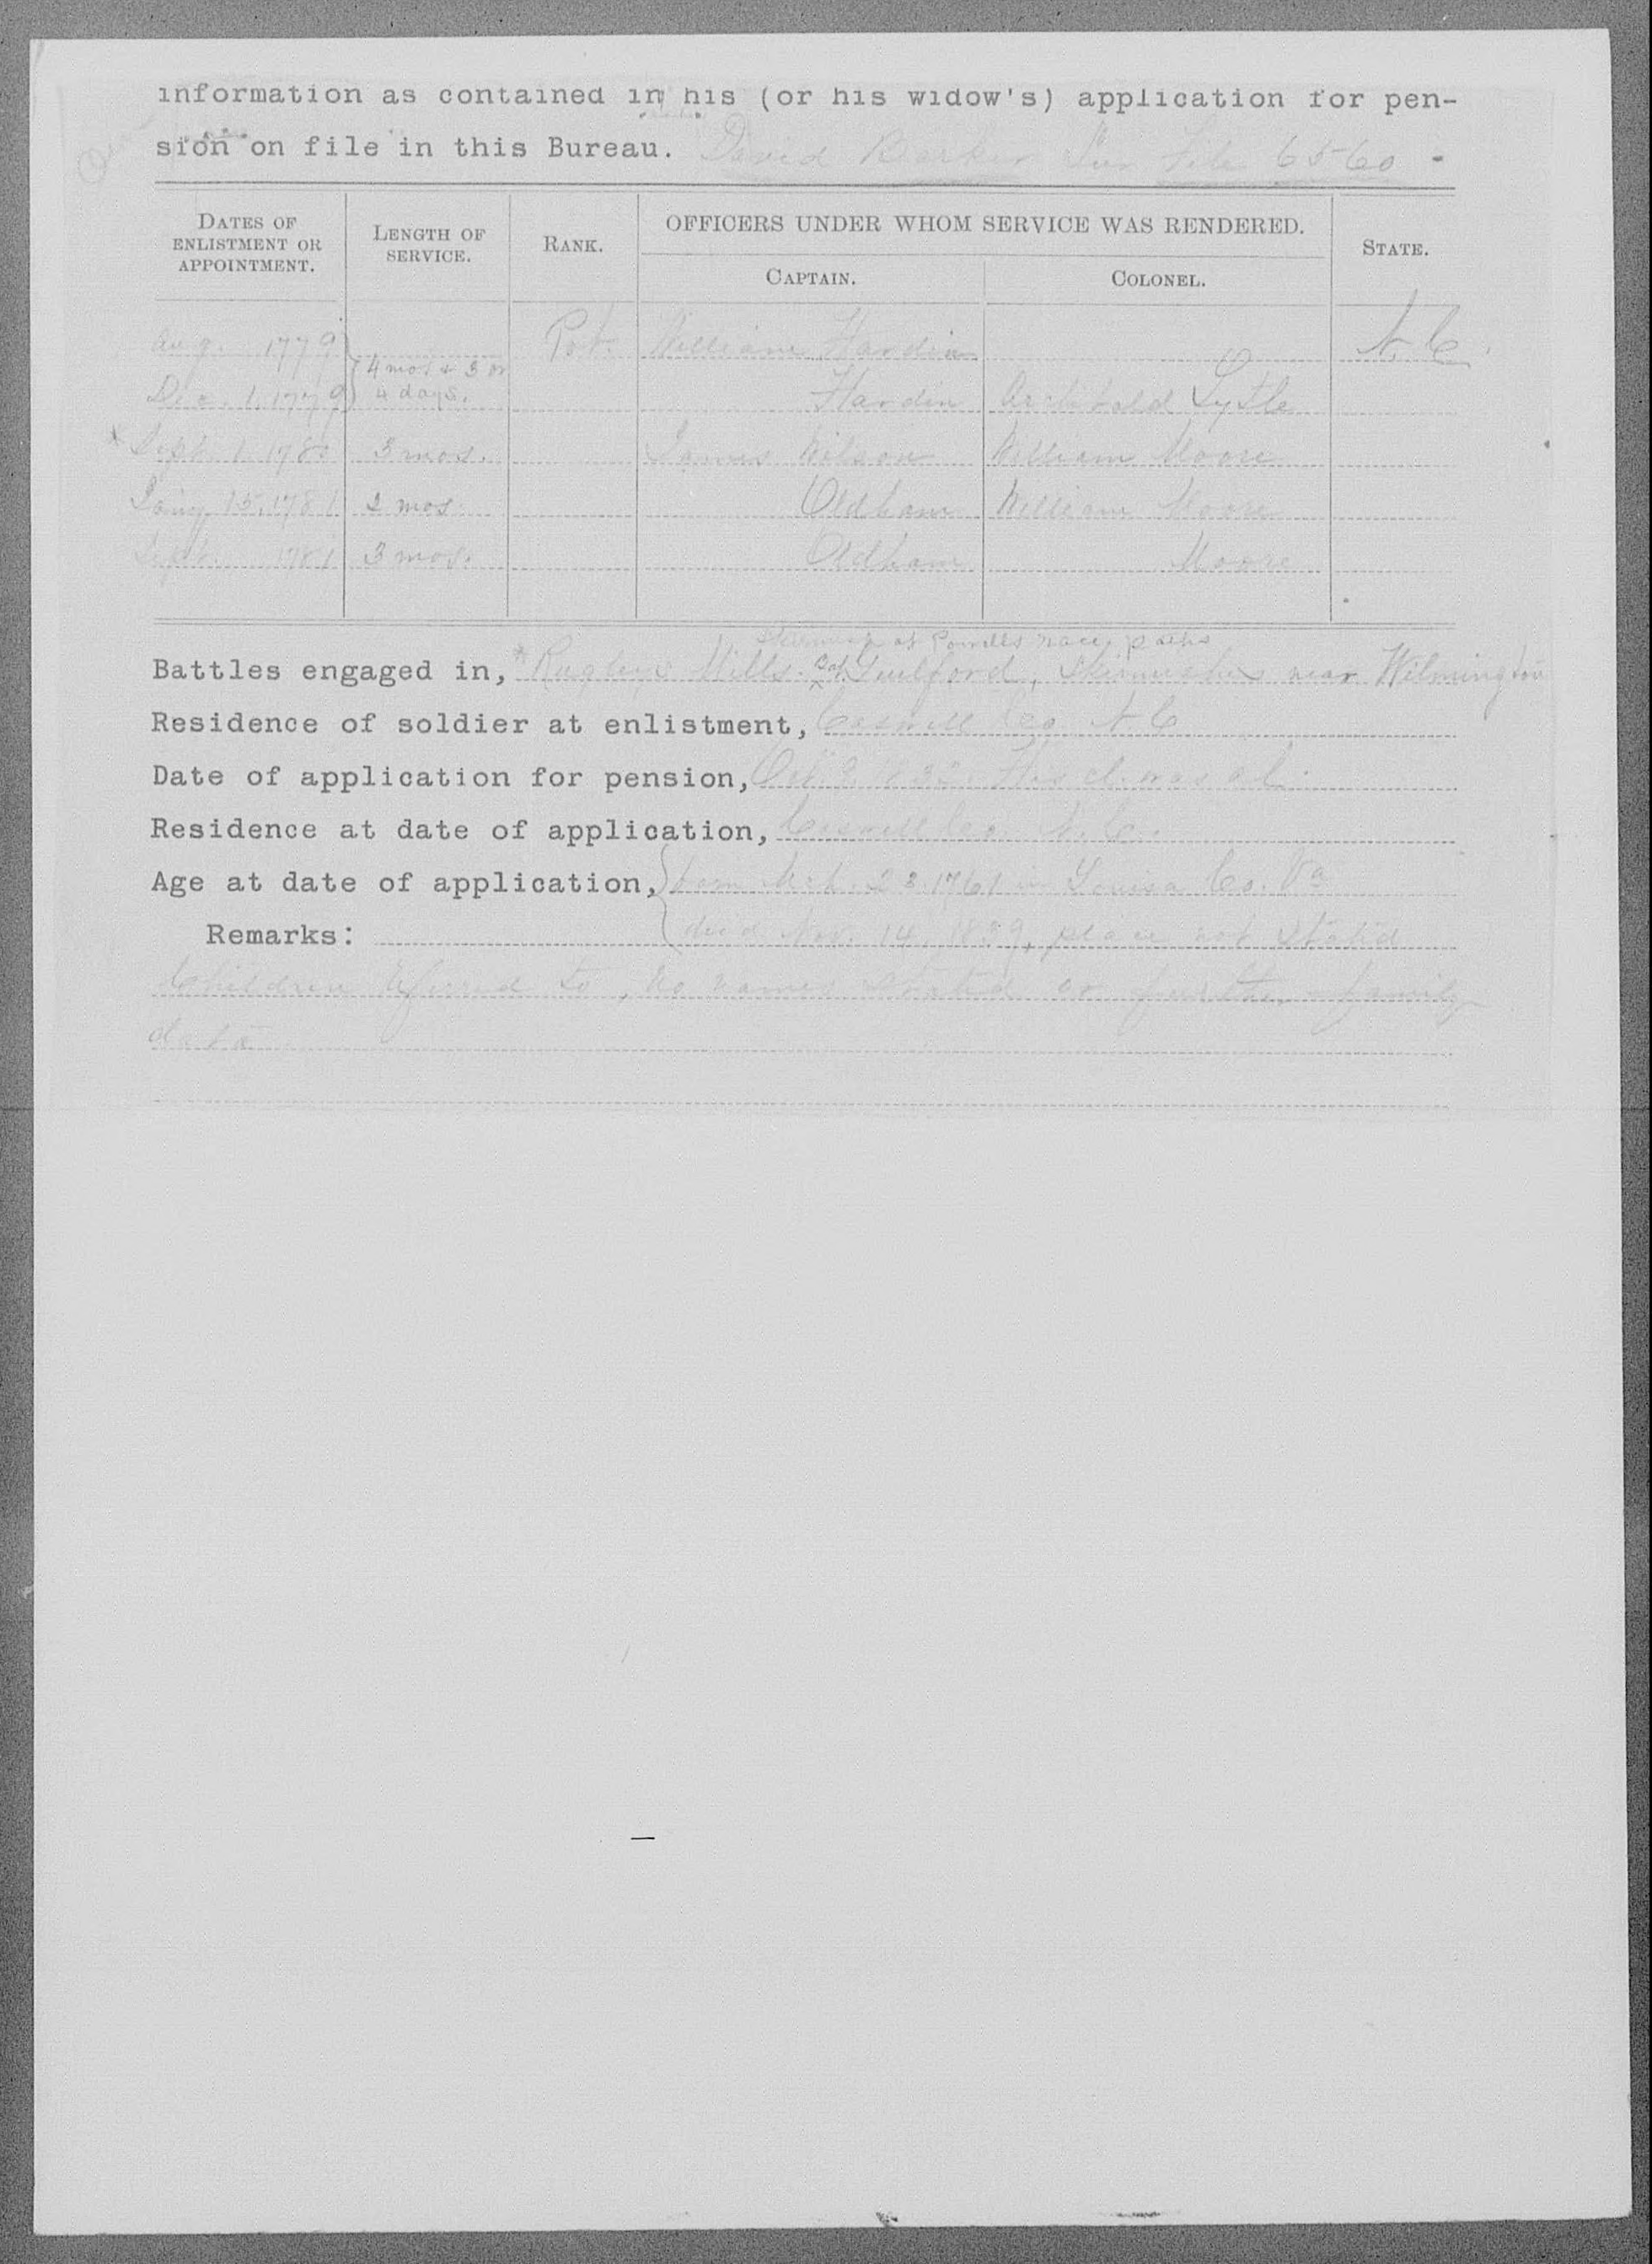[typed form, with handwritten responses]

Information as contained in his (or his widow’s) application for pension on file in this Bureau. David Barker On file 6-5-60-

[column headings: DATES OF ENLISTMENT OR APPOINTMENT. / LENGTH OF SERVICE. / RANK. / OFFICERS UNDER WHOM SERVICE WAS RENDERED. CAPTAIN. COLONEL. / STATE.]
1.  Aug 1779; Dec. 1 1779} 4 mos [months] & 3 or 4 days. / Pvt. [Private] / Captain William Hardin / Colonel Archibald Lytle / N.C.
2.  Sept. 1, 1780 / 5 mos. [months] / Captain James Wilson / Colonel William Moore
3.  Jany [January] 15, 1781 / 2 mos. [months] / Captain Oldham / Colonel William Moore
4.  Sept. 1781 / 3 mos. [months] / Captain Oldham / Colonel Moore

Battles engaged in, Rugeley's Mills, [^ Skirmishes at Powell's race paths];  Bat [Battle] Guilford; skirmishes near Wilmington

Residence of soldier at enlistment, Caswell Co. N. C.
Date of application for pension, Oct 9, 1832, His cl. was al [His claim was allowed]

Residence at date of application, Caswell Co. N.C.

Age at date of application} born Mch [March] 23 1761 in Louisa Co. Va

Remarks: }died Nov. 14, 1839, place not stated Children referred to, no names stated or further family data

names: Hardin, Oldham, David Barker, Oldham, William Moore, William Hardin, James Wilson, Archibald Lytle, William Moore, Moore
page: 15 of 23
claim: survivor's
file: S. 6560, David Barker, N.C.